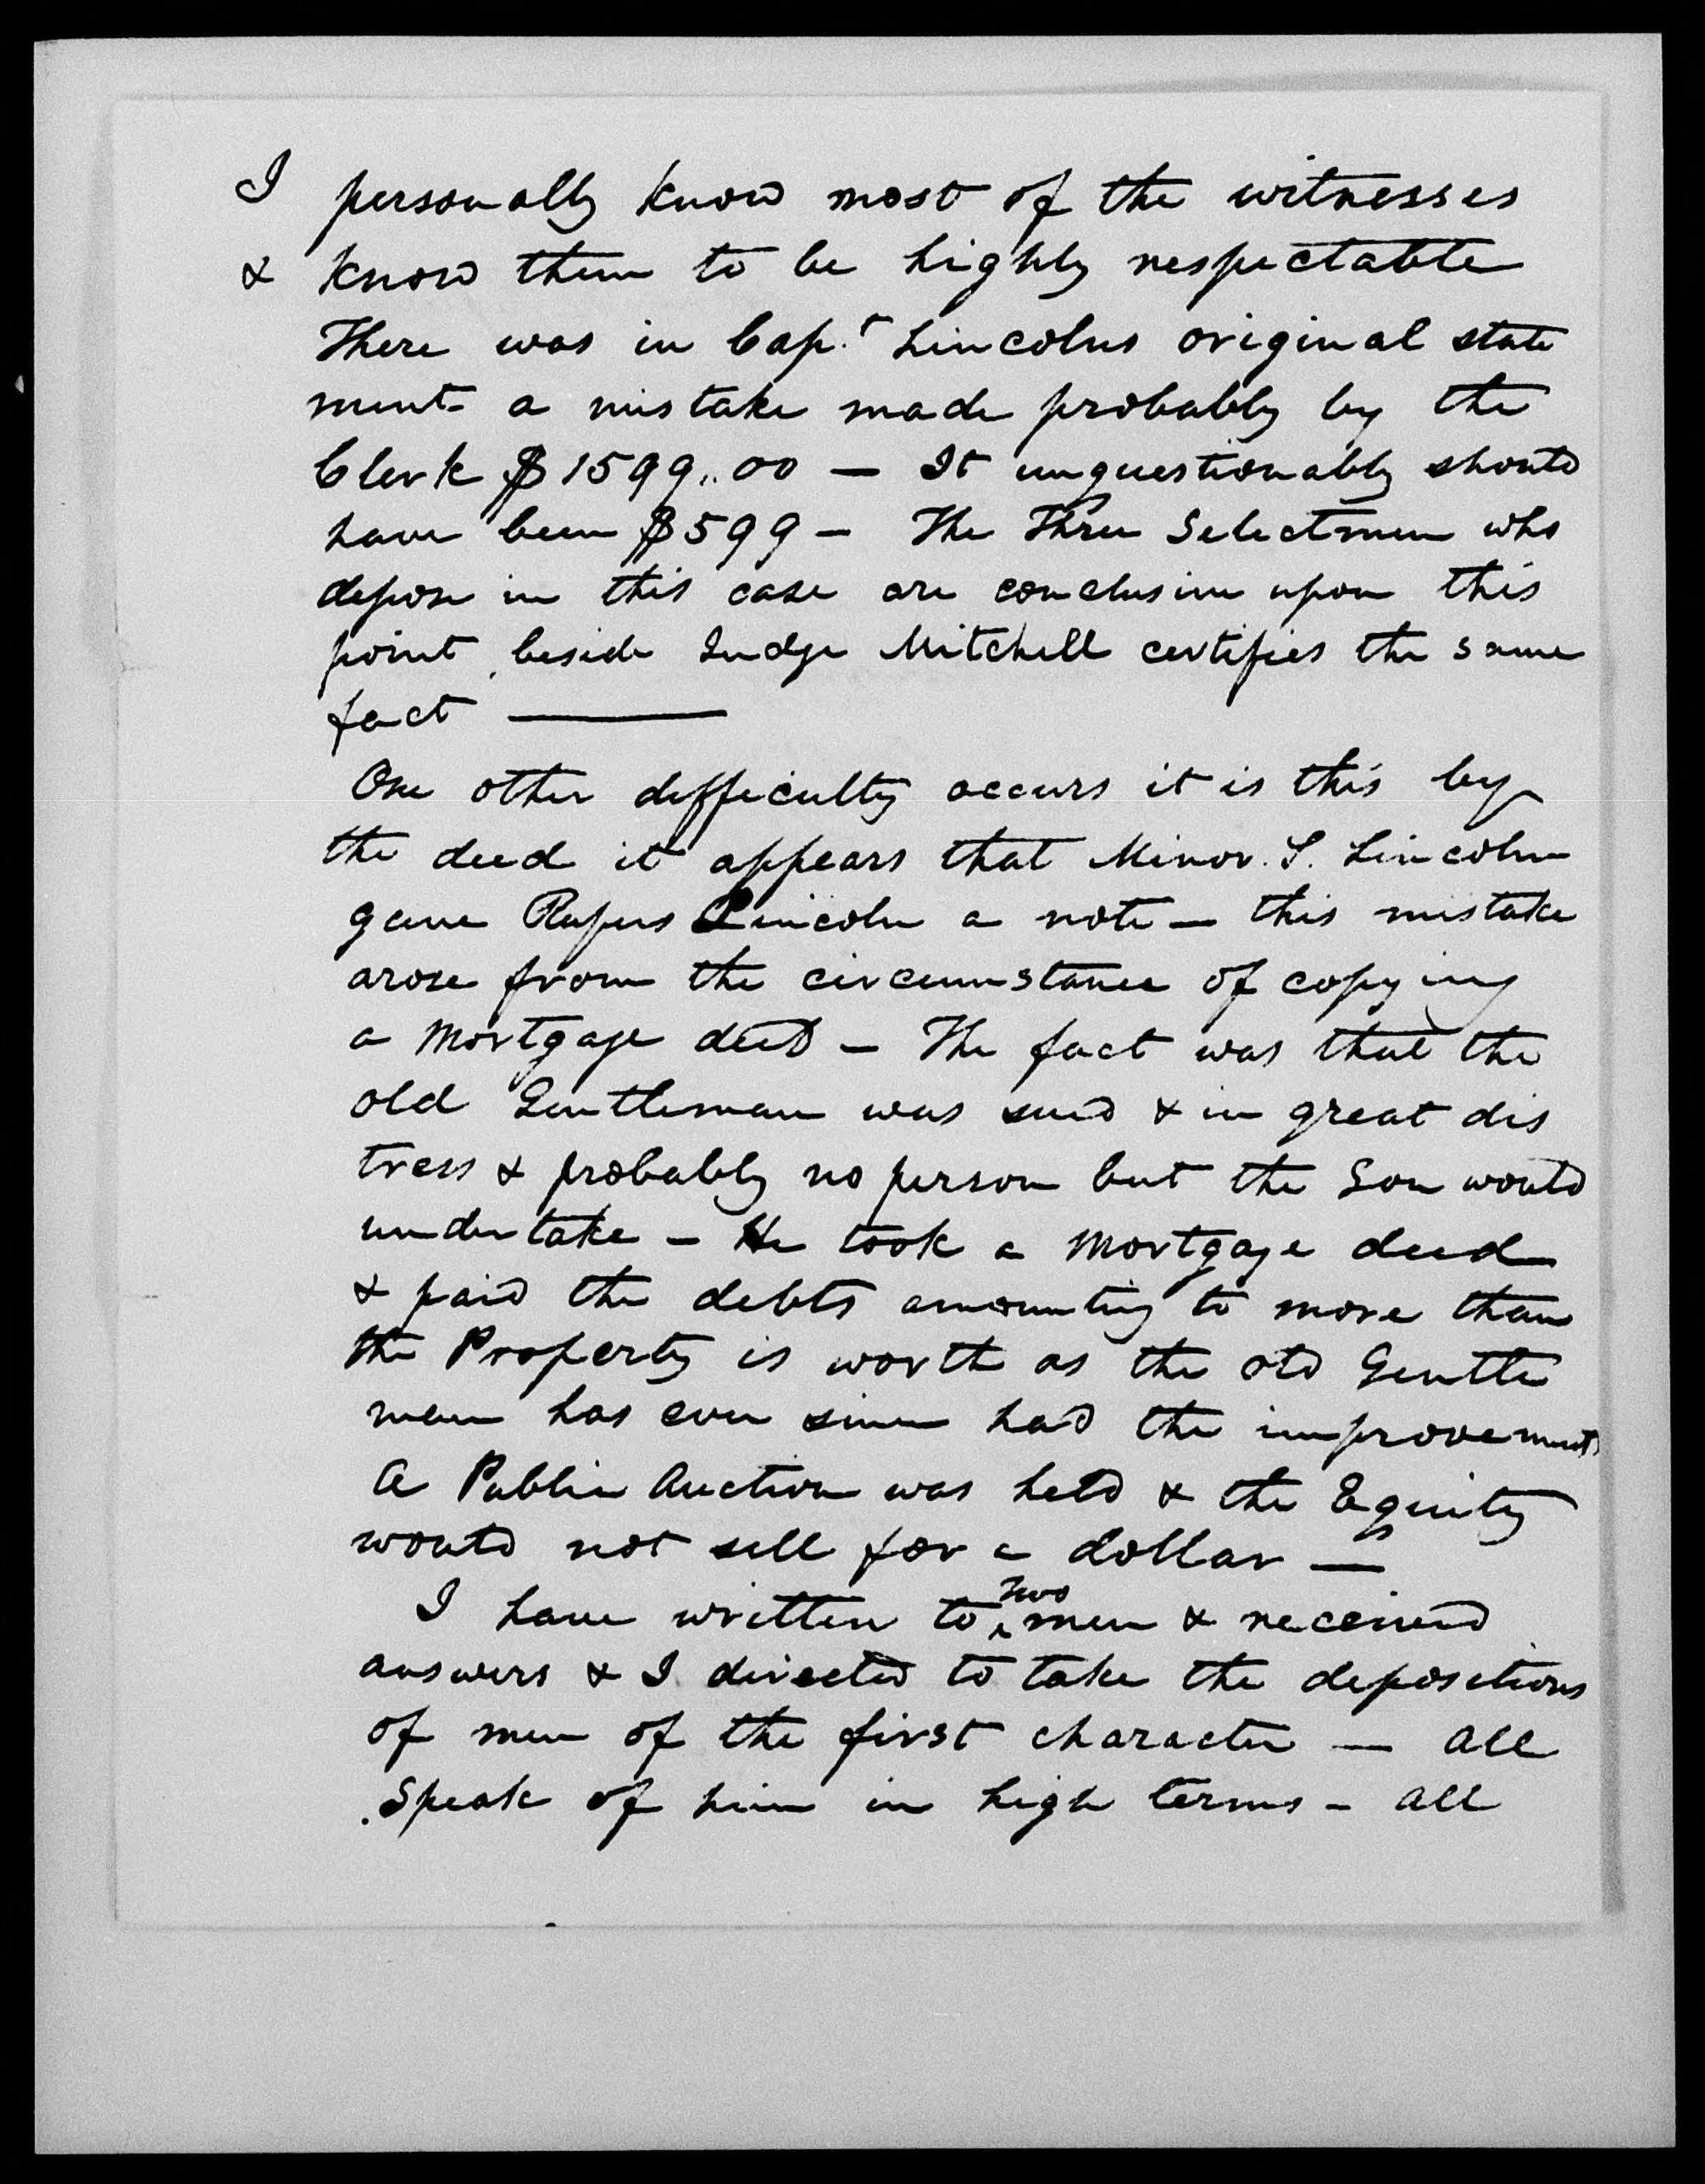I personally know most of the witnesses &
know them to be highly respectable
There was in Capt Lincolns original statement a mistake made probably by the
Clerk $1599.00- It unquestionably should
have been $599. The three selectmen who
depose in this case are conclusion upon this
point beside Judge Mitchell certifies the same
fact --
One other difficulty occurs it is this by
the deed it appears that Minor S. Lincoln
gave Rufus Lincoln a note-- this mistake
arose from the circumstance of copying
a Mortgage deed. The fact was that the
old Gentleman was sick & in great distress & probably no person but the son would
undertake- He took a mortgage deed
& paid the debts amounting to more than
the property is worth as the old Gentleman has ever since had the improvements. A Public Auction was held & the Equity would not sell for a dollar -
I have written to two men & received answers & I directed to take the depositions of men of the first character all speak of him in high terms- all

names: Minor S Lincoln; [BLANK] Mitchell; Rufus Lincoln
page: 46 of 82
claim: widow's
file: W. 13,634, for Rufus Lincoln, Massachusetts